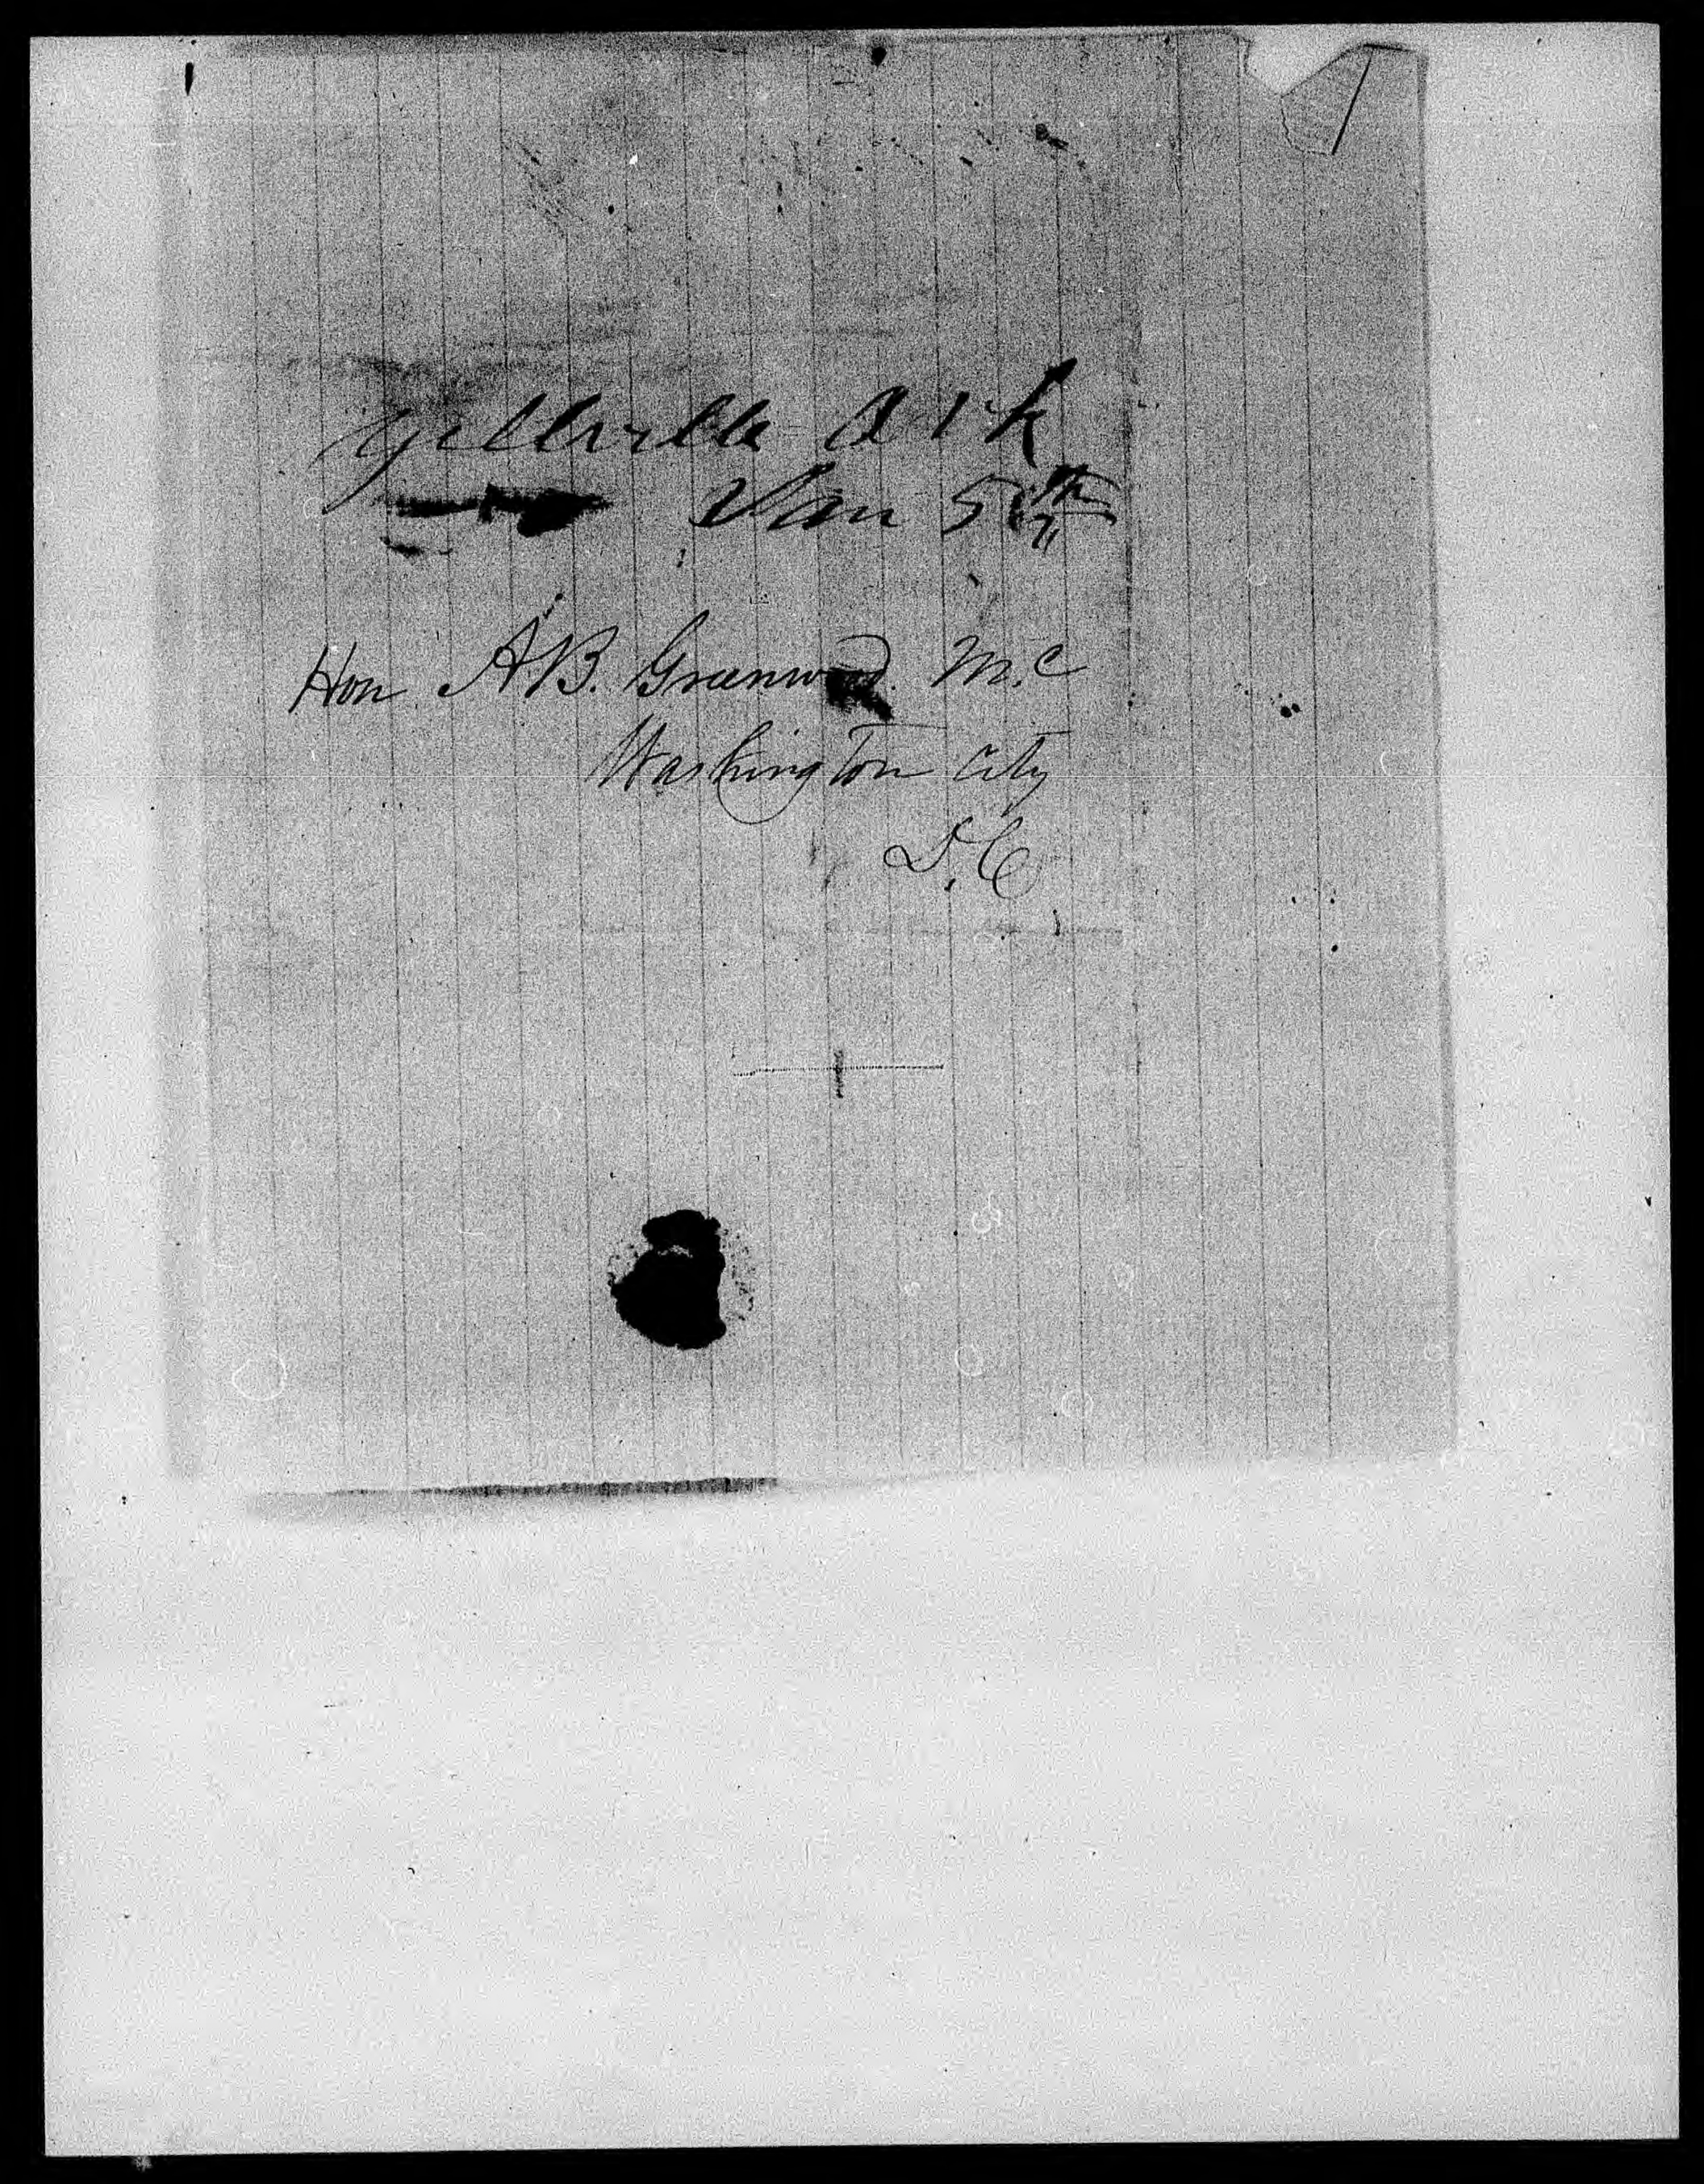Yellville Ark.
Jan 5th
Hon. A B Greenwood
Washington City DC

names: A B Greenwood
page: 69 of 115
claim: widow's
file: W. 1446, for John Mc Clung, South Carolina